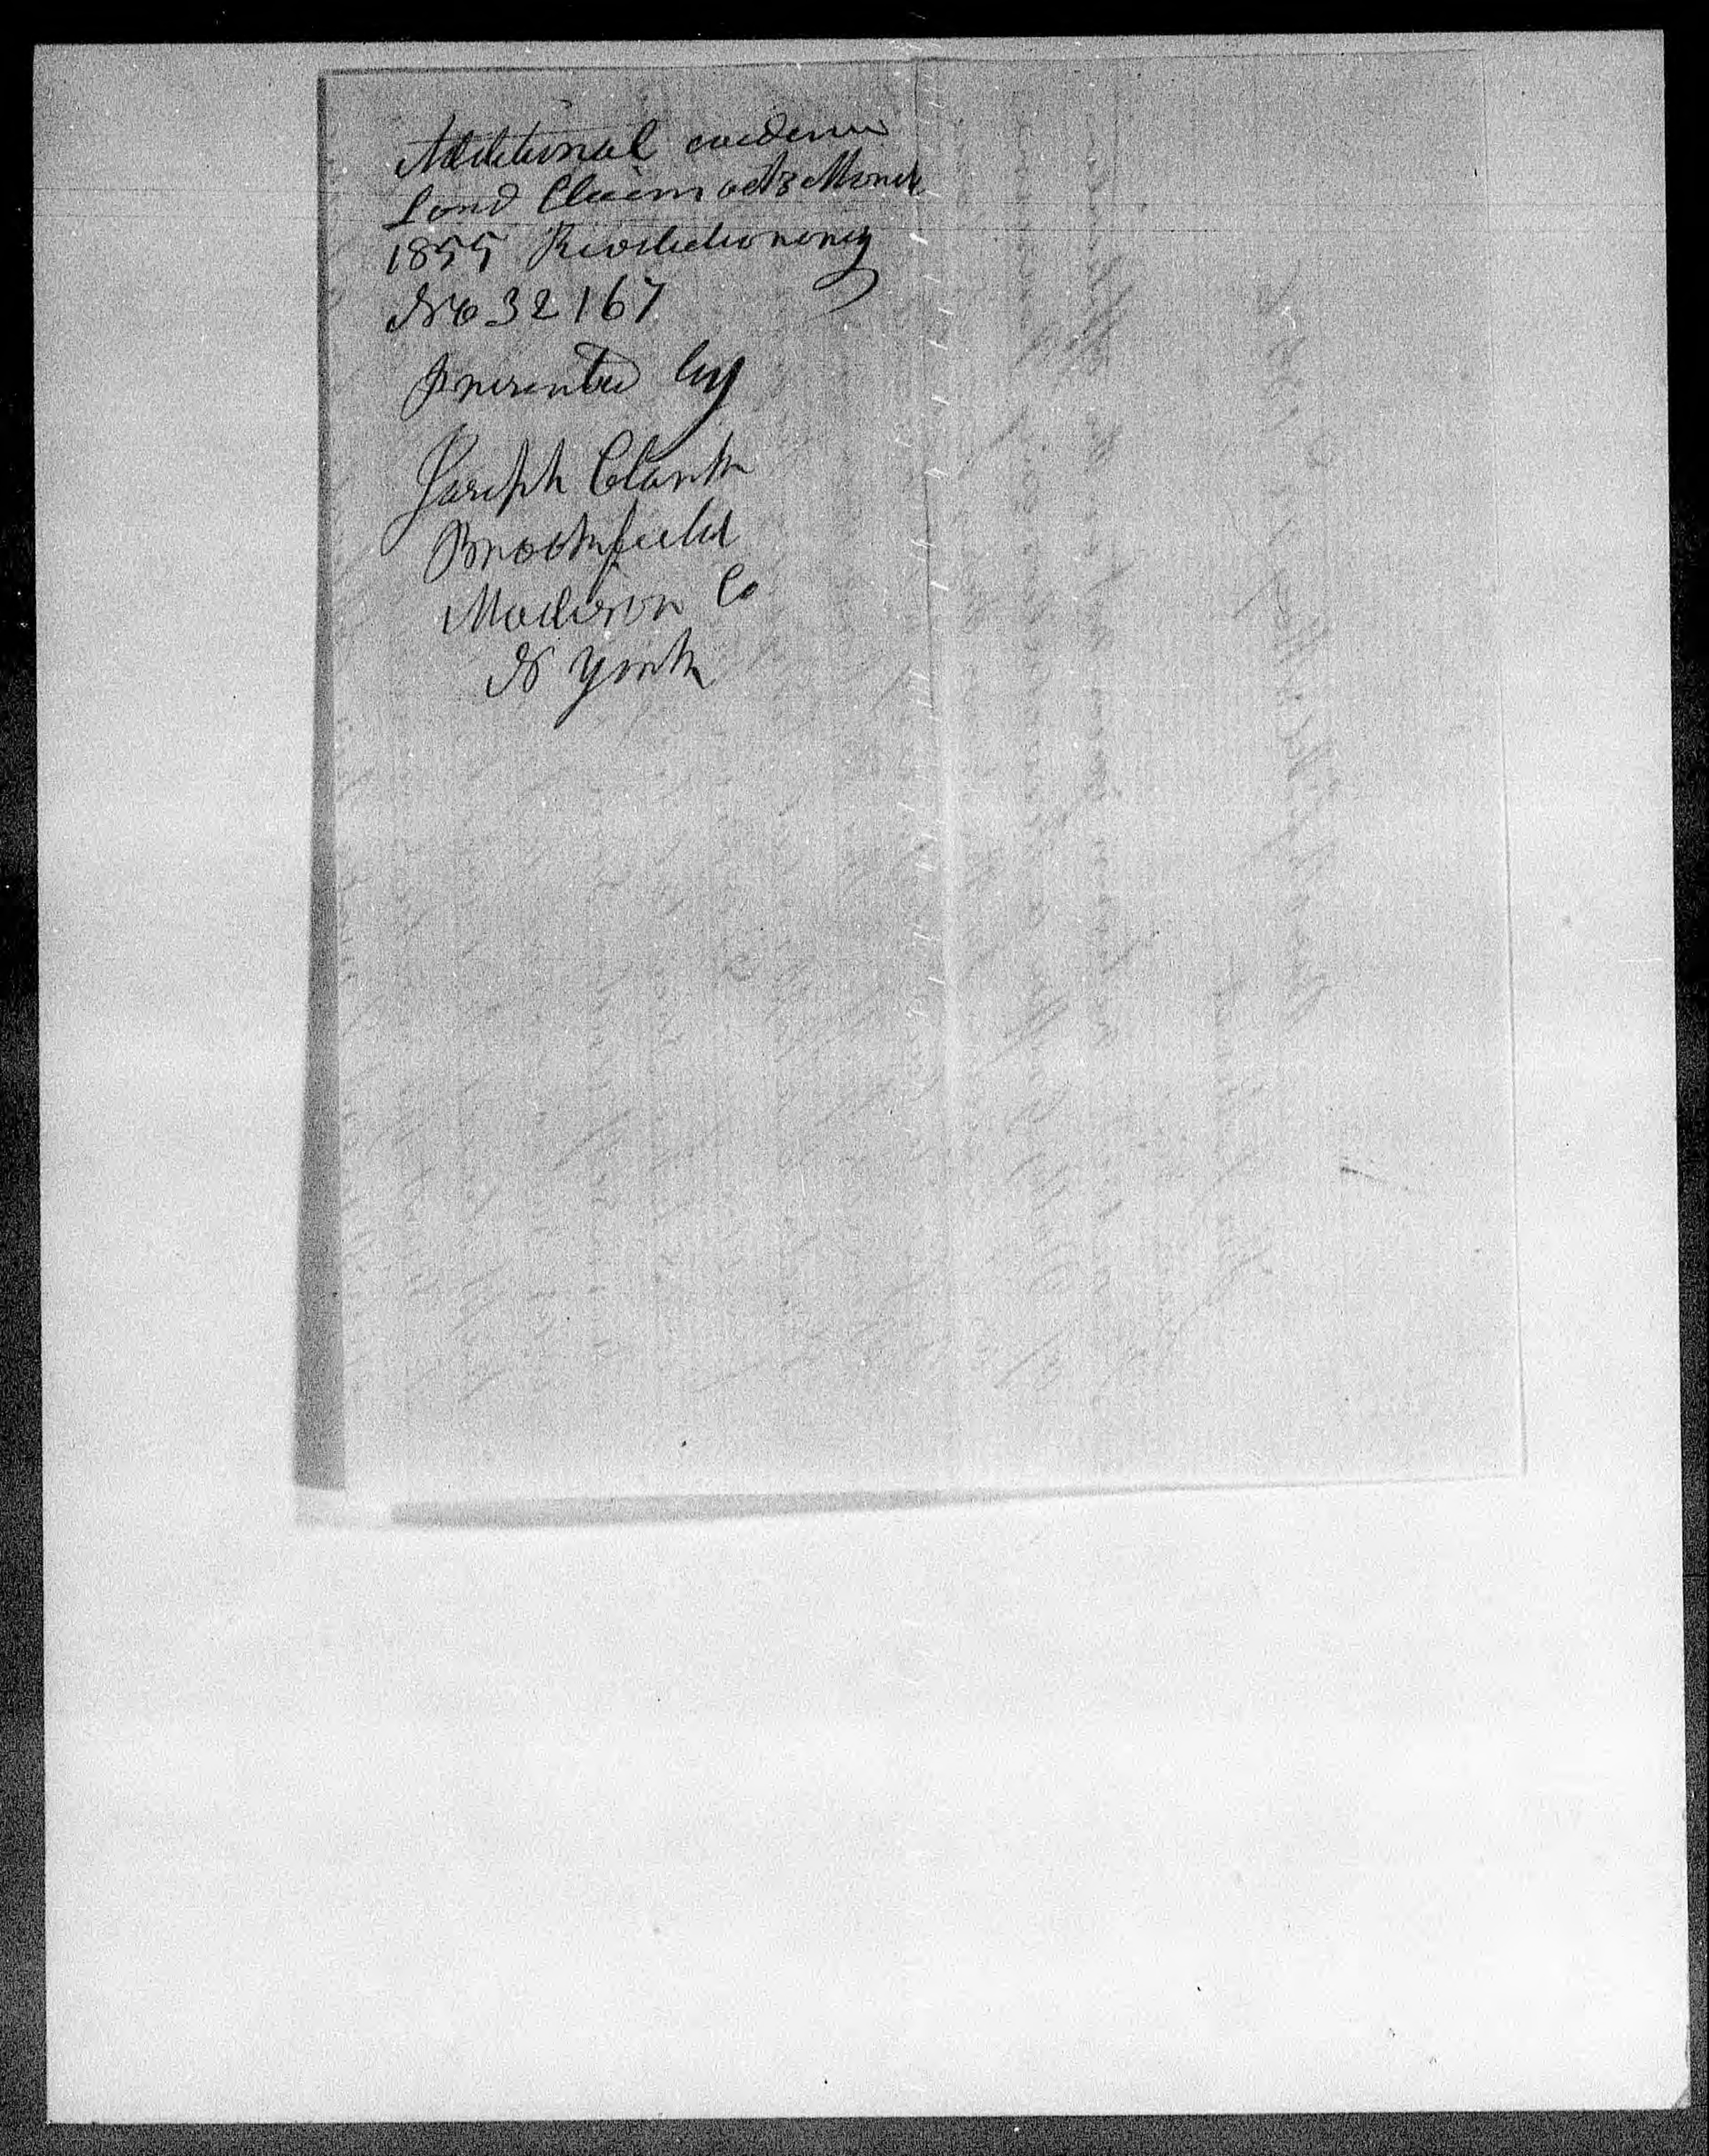Additional evidence
Land Claim act of March 1855 Revolutionary
No 32167
Presented by Joseph Clark
Brookfield Madison Co N York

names: Joseph Clark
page: 36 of 60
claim: widow's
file: W. 19,537, Thomas Griffin, Conn.